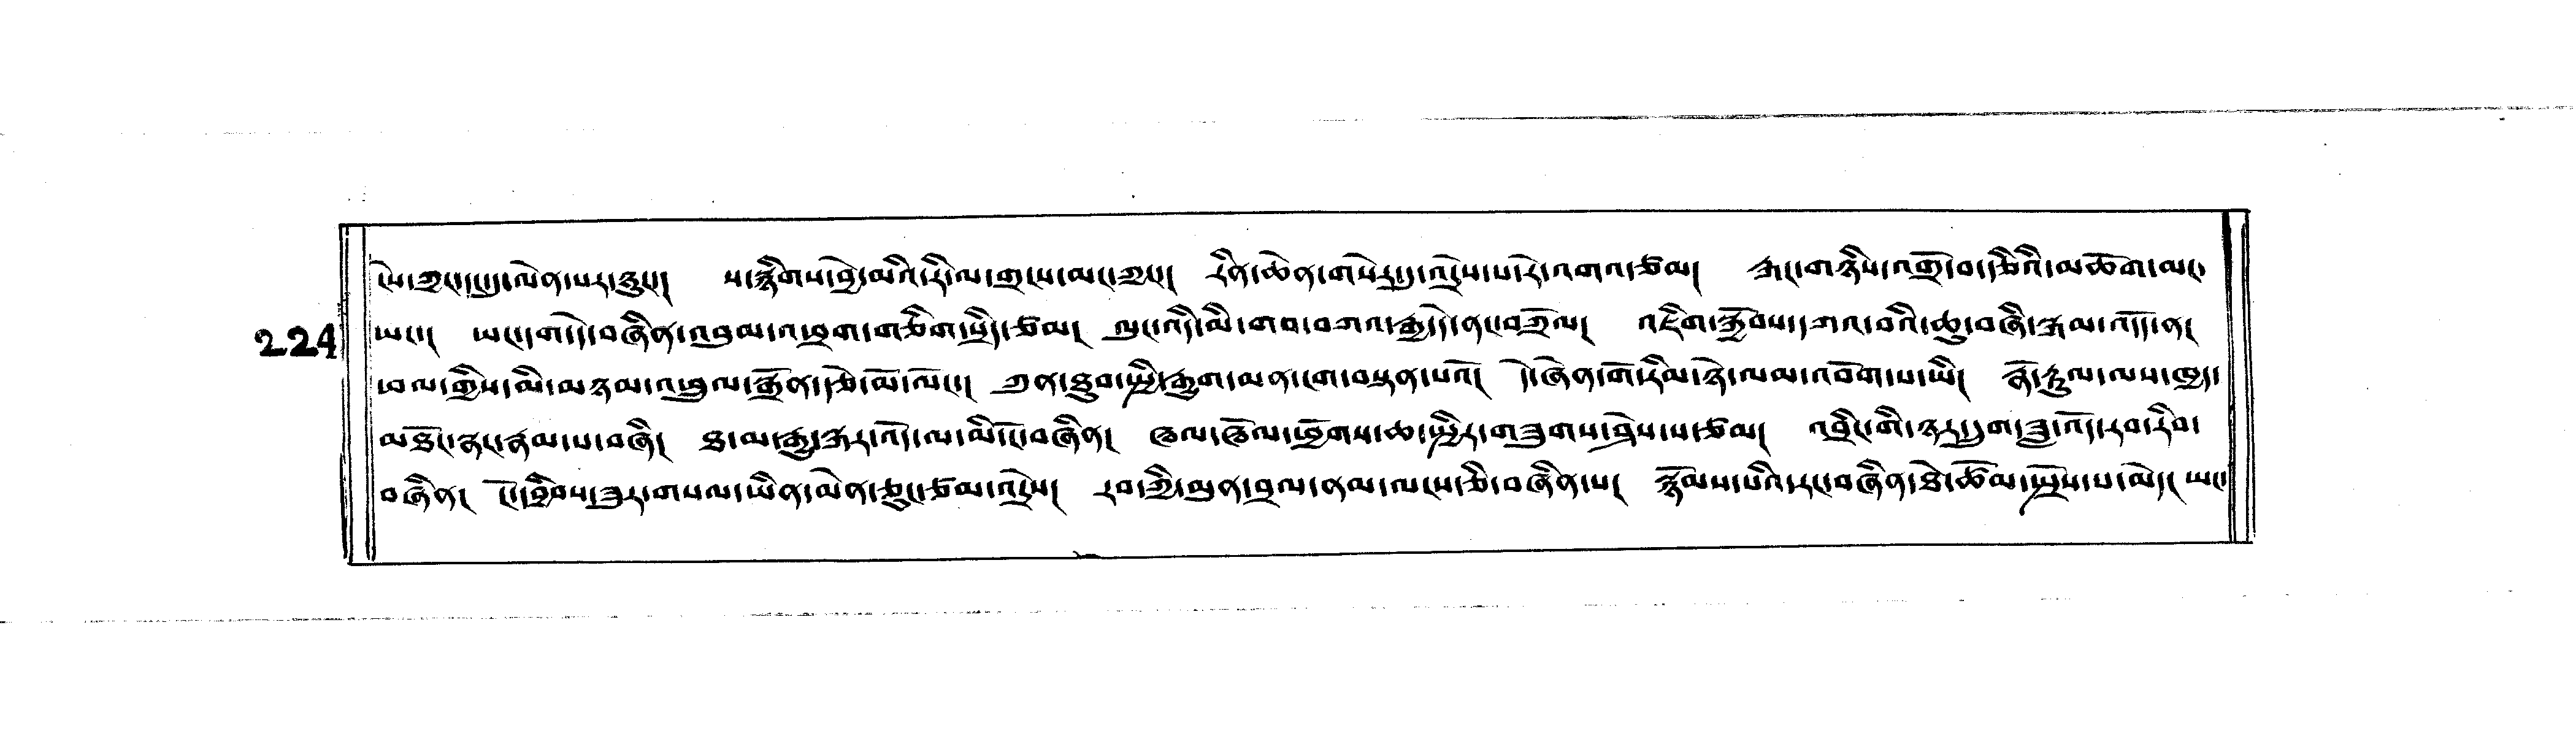ངེས་ཀྱང་དོན་དུ་ལེན་པར་ཉུང་། ས་སྙིགས་བྱེ་མའི་རི་ལ་གྲངས་མང་ཀྱང་། རིན་ཆེན་གསེར་དུ་འདྲེས་པ་རེ་འགའ་ཙམ། རྐང་གཉིས་འགྲོ་བ་རྩི་ཡི་མཆོག་མང་
ཡང་། ཡང་དག་དེ་བཞིན་འབུམ་ཕྲག་གཅིག་སྲིད་ཙམ། ལུང་འདི་མི་གབ་བཀའ་རྒྱ་དེ་ནང་བཀྲོལ། འཇིགས་སྐྱོབ་དཀའ་བའི་ཆུ་བཞི་བརྒལ་འདོད་ན། 
ཕལ་གྱིས་མི་མཉམ་འཕྲུལ་སྒྲོན་རྩེ་མོ་ལོངས། ཀུན་ཐུབ་སྤྱི་རྒྱུགས་མན་ངག་བསྟན་པའོ། དེ་བཞིན་གོ་རིམ་ཉེ་ལམ་འབོག་པ་ཡི། རྣོ་རྟུལ་ལས་ཁྱད་
མཐོང་སྣང་རྣམ་པ་བཞི། ཐ་མ་རྒྱུ་སྐར་འོད་ལ་མི་ངོ་བཞིན། ཝལ་ཝོལ་ཕྱོགས་ཆ་སྤྱིར་གཟུགས་ཤེས་པ་ཙམ། འབྲིང་གི་ཉར་དྲུག་ཟླ་འོད་རབ་རིབ་
བཞིན། ངོ་དབྱིབས་ཟུར་གསལ་ཡིན་མིན་ཅུང་ཙམ་འདྲེས། རབ་ཀྱི་མུན་བྲལ་ནམ་ལང་ཅི་བཞིན་པ། སྙོམས་པའི་རང་བཞིན་ཐེ་ཚོམ་སྤྲོས་པ་མེད།་ཡང་